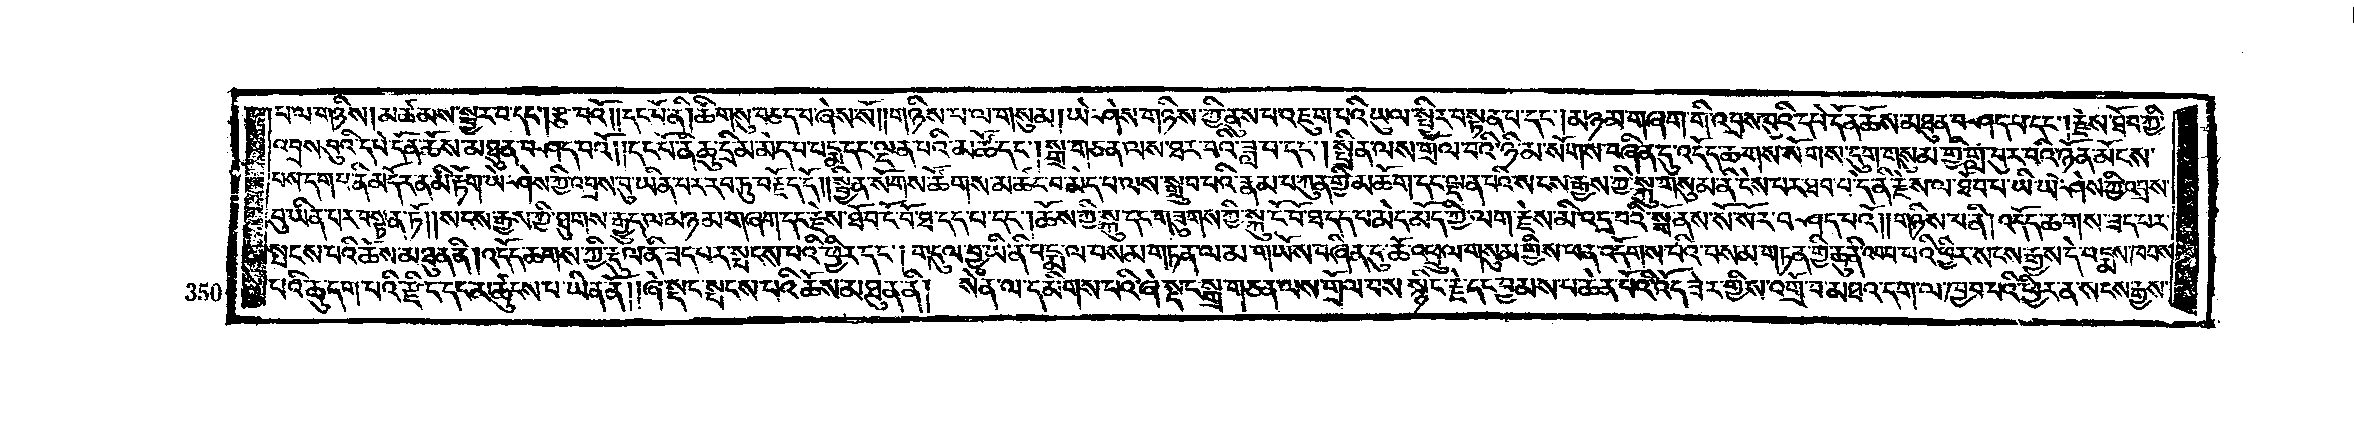པ་ལ་གཉིས། མཚམས་སྦྱར་བ་དང་། རྩ་བའོ། །དང་པོ་ནི། ཚིགས་སུ་བཅད་པ་ཞེས་སོ། །གཉིས་པ་ལ་གསུམ། ཡེ་ཤེས་གཉིས་ཀྱི་ནུས་པ་འཇུག་པའི་ཡུལ་སྤྱིར་བསྟན་པ་དང་། མཉམ་གཞག་གི་འབྲས་བུའི་དཔེ་དོན་ཆོས་མཐུན་བཤད་པ་དང་། རྗེས་ཐོབ་ཀྱི་
འབྲས་བུའི་དཔེ་དོན་ཆོས་མཐུན་བཤད་པའོ། །དང་པོ་ནི་ཆུ་དྲི་མ་མེད་པ་པདམ་དང་ལྡན་པའི་མཚོ་དང་། སྒྲ་གཅན་ལས་ཐར་པའི་ཟླ་བ་དང་། སྤྲིན་ལས་གྲོལ་བའི་ཉི་མ་སོགས་བཞིན་དུ་འདོད་ཆགས་སོགས་དུག་གསུམ་གྱི་གློ་བུར་བའི་ཉོན་མོངས་
པས་དག་པ་ནི་མདོར་ན་མི་རྟོག་ཡེ་ཤེས་ཀྱི་འབྲས་བུ་ཡིན་པར་རབ་ཏུ་བརྗོད་དོ། །སྦྱིན་སོགས་ཚོགས་མ་ཚང་བ་མེད་པ་ལས་སྒྲུབ་པའི་རྣམ་པ་ཀུན་གྱི་མཆོག་དང་ལྡན་པའི་སངས་རྒྱས་ཀྱི་སྐུ་གསུམ་ནི་ངེས་པར་ཐོབ་པ་དེ་ནི་རྗེས་ལ་ཐོབ་པ་ཡི་ཡེ་ཤེས་ཀྱི་འབྲས་
བུ་ཡིན་པར་བསྟན་ཏོ། །སངས་རྒྱས་ཀྱི་ཐུགས་རྒྱུད་ལ་མཉམ་གཞག་དང་རྗེས་ཐོབ་ངོ་བོ་ཐ་དད་པ་དང་། ཆོས་ཀྱི་སྐུ་དང་གཟུགས་ཀྱི་སྐུ་ངོ་བོ་ཐ་དད་པ་མེད་མོད་ཀྱི་ལག་རྗེས་མི་འདྲ་བའི་སྒོ་ནས་སོ་སོར་བཤད་པའོ། །གཉིས་པ་ནི། འདོད་ཆགས་ཟད་པར་
སྤངས་པའི་ཆོས་མཐུན་ནི། འདོད་ཆགས་ཀྱི་རྡུལ་ནི་ཟད་པར་སྤངས་པའི་ཕྱིར་དང་། གདུལ་བྱ་ཡི་ནི་པདམ་ལ་བསམ་གཏན་ལ་མ་གཡོས་བཞིན་དུ་ཆོ་འཕྲུལ་གསུམ་གྱིས་ཕན་འདོགས་པའི་བསམ་གཏན་གྱི་ཆུ་ནི་འབབ་པའི་ཕྱིར་སངས་རྒྱས་དེ་པདམས་ཁབས་
པའི་ཆུ་དག་པའི་རྫིང་དང་མཚུངས་པ་ཡིན་ནོ། །ཞེ་སྡང་སྤངས་པའི་ཆོས་མཐུན་ནི། སེན་ལ་དམིགས་པའི་ཞེ་སྡང་སྒྲ་གཅན་ལས་གྲོལ་བས་སྙིང་རྗེ་དང་བྱམས་པ་ཆེན་པོའི་འོད་ཟེར་གྱིས་འགྲོ་བ་མཐའ་དག་ལ་ཁྱབ་པའི་ཕྱིར་ན་སངས་རྒྱས་